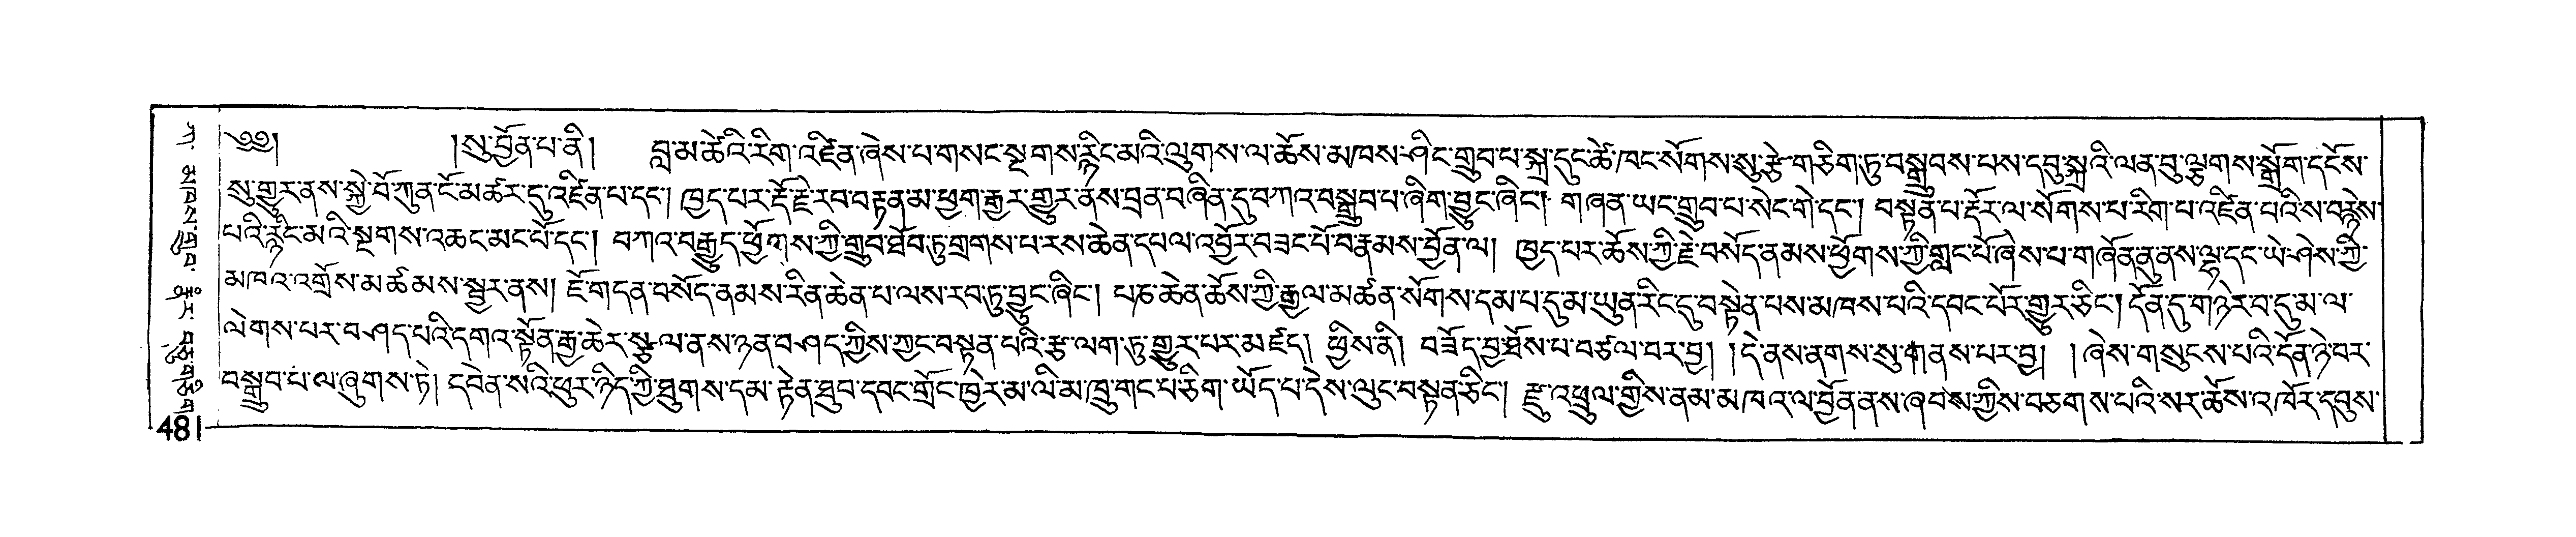༄༅། །སུ་བྱོན་པ་ནི། བླ་མ་ཚེའི་རིག་འཛིན་ཞེས་པ་གསང་སྔགས་རྙིང་མའི་ལུགས་ལ་ཆོས་མཁས་ཤིང་གྲུབ་པ་སྐྲ་དུང་ཚེ་ཁང་སོགས་སུ་རྩེ་གཅིག་ཏུ་བསྒྲུབས་པས་དབུ་སྐྲའི་ལན་བུ་ལྕགས་སྒྲོག་དངོས་
སུ་གྱུར་ནས་སྐྱེ་བོ་ཀུན་ངོ་མཚར་དུ་འཛིན་པ་དང་། ཁྱད་པར་རྡོ་རྗེ་རབ་བརྟན་མ་ཕྱག་རྒྱར་གྱུར་ནས་བྲན་བཞིན་དུ་བཀའ་བསྒྲུབ་པ་ཞིག་བྱུང་ཞིང་། གཞན་ཡང་གྲུབ་པ་སེང་གེ་དང་། བསྟན་པ་རྡོར་ལ་སོགས་པ་རིག་པ་འཛིན་པའི་ས་བརྙེས་
པའི་རྙིང་མའི་སྔགས་འཆང་མང་པོ་དང་། བཀའ་བརྒྱུད་ཕྱོགས་ཀྱི་གྲུབ་ཐོབ་ཏུ་གྲགས་པ་རས་ཆེན་དཔལ་འབྱོར་བཟང་པོ་བ་རྣམས་བྱོན་ལ། ཁྱད་པར་ཆོས་ཀྱི་རྗེ་བསོད་ནམས་ཕྱོགས་ཀྱི་གླང་པོ་ཞེས་པ་གཞོན་ནུ་ནས་ལྷ་དང་ཡེ་ཤེས་ཀྱི་
མཁའ་འགྲོས་མཚམས་སྦྱར་ནས། ཇོ་གདན་བསོད་ནམས་རིན་ཆེན་པ་ལས་རབ་ཏུ་བྱུང་ཞིང་། པཎ་ཆེན་ཆོས་ཀྱི་རྒྱལ་མཚན་སོགས་དམ་པ་དུ་མ་ཡུན་རིང་དུ་བསྟེན་པས་མཁས་པའི་དབང་པོར་གྱུར་ཅིང་། དོན་དུ་གཉེར་བ་དུ་མ་ལ་
ལེགས་པར་བཤད་པའི་དགའ་སྟོན་རྒྱ་ཆེར་སྩལ་ནས་ཉན་བཤད་ཀྱིས་ཀྱང་བསྟན་པའི་རྩ་ལག་ཏུ་གྱུར་པར་མཛད། ཕྱིས་ནི། བཟོད་བྱ་ཐོས་པ་བཙལ་བར་བྱ། །དེ་ནས་ནགས་སུ་གནས་པར་བྱ། །ཞེས་གསུངས་པའི་དོན་ཉེ་བར་
བསྒྲུབ་པ་ལ་ཞུགས་ཏེ། དབེན་སའི་ཕུར་ཉིད་ཀྱི་ཐུགས་དམ་རྟེན་ཐུབ་དབང་གྲོང་ཁྱེར་མ་ལི་མ་ཁྲུ་གང་པ་ཅིག་ཡོད་པ་དེས་ལུང་བསྟན་ཅིང་། རྫུ་འཕྲུལ་གྱིས་ནམ་མཁའ་ལ་བྱོན་ནས་ཞབས་ཀྱིས་བཅགས་པའི་སར་ཆོས་འཁོར་དབུས་